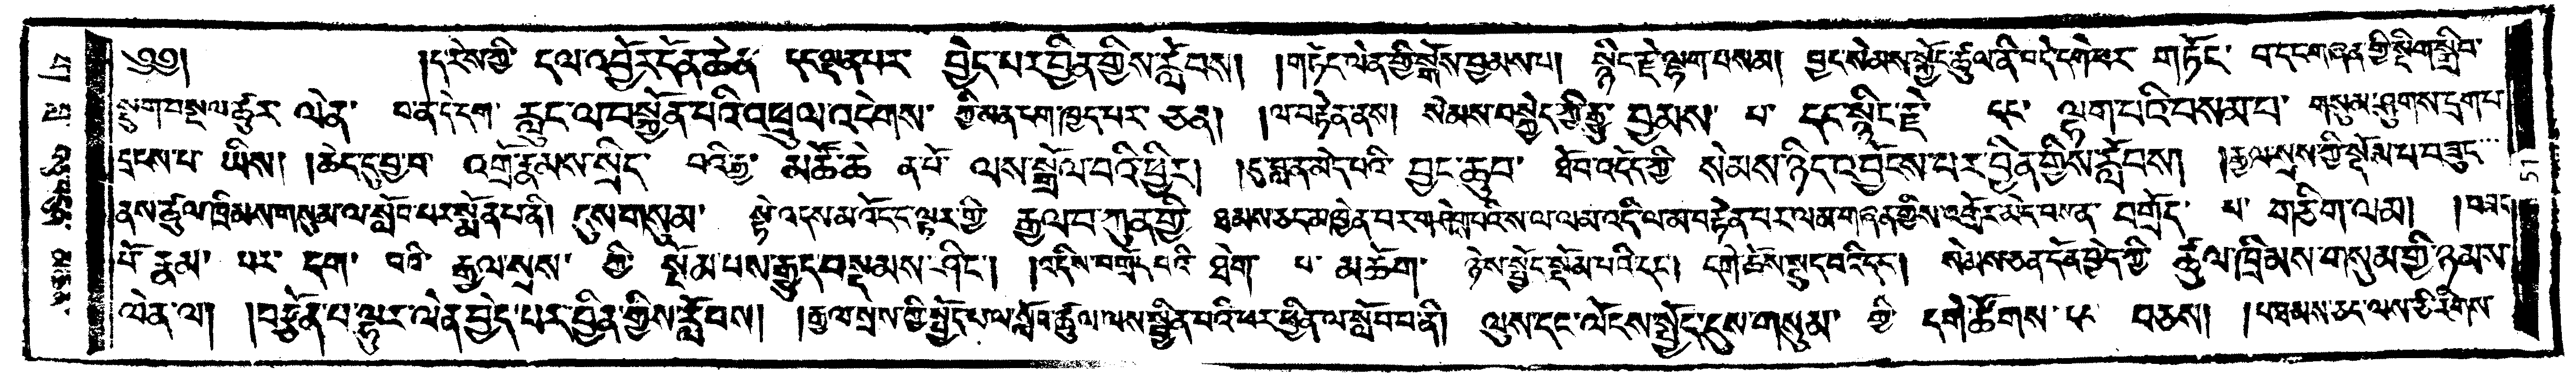༄༅། །ད་རེས་ཀྱི་དལ་འབྱོར་དོན་ཆེན་དང་ལྡན་པར་བྱེད་པར་བྱིན་གྱིས་རློབས། །གཏོང་ལེན་གྱི་སྒོས་བྱམས་པ། སྙིང་རྗེ་ལྷག་བསམ། བྱང་སེམས་སྐྱོང་ཚུལ་ནི་བདེ་དགེ་ཕར་གཏོང་བ་དང་གཞན་གྱི་སྡིག་སྒྲིབ་
སྡུག་བསྔལ་ཚུར་ལེན་པ་ན་དེ་དག་རླུང་ལ་བསྐྱོན་པའི་འཕྲུལ་འདེགས་ཀྱི་མན་ངག་ཁྱད་པར་ཅན། །ལ་བརྟེན་ནས། སེམས་བསྐྱེད་ཀྱི་རྒྱུ་བྱམས་པ་དང་སྙིང་རྗེ་དང་ལྷག་པའི་བསམ་པ་གསུམ་ཤུགས་དྲག་པ་
དྲངས་པ་ཡིས། །ཆེད་དུ་བྱ་བ་འགྲོ་རྣམས་སྲིད་པའི་རྒྱ་མཚོ་ཆེན་པོ་ལས་སྒྲོལ་བའི་ཕྱིར། །དུ་བླ་ན་མེད་པའི་བྱང་ཆུབ་ཐོབ་འདོད་ཀྱི་སེམས་ཉིད་འབྱོངས་པར་བྱིན་གྱིས་རློབས། །རྒྱལ་རས་ཀྱི་སྡོམ་པ་བཟུང་
ནས་ཚུལ་ཁྲིམས་གསུམ་ལ་སློབ་པར་སྨོན་པ་ནི། དུས་གསུམ་སྟེ་འདས་མ་འོང་ད་ལྟར་གྱི་རྒྱལ་བ་ཀུན་གྱི་ཐམས་ཅད་མཁྱེན་པར་གཤེགས་པའི་ས་ལ་ལམ་འདི་ལ་མ་བརྟེན་པར་ལམ་གཞན་གྱིས་འགྲོར་མེད་པས་ན་བགྲོད་པ་གཅིག་ལམ། །བཟང་
པོ་རྣམ་པར་དག་པའི་རྒྱལ་སྲས་ཀྱི་སྡོམ་པས་རྒྱུད་བསྡམས་ཤིང་། །འདིས་བགྲོད་པའི་ཐེག་པ་མཆོག་ཉེས་སྦྱོང་སྡོམ་པའི་དང་། དགེ་ཆོས་སྡུད་པའི་དང་། སེམས་ཅན་དོན་བྱེད་ཀྱི་ཚུལ་ཁྲིམས་གསུམ་གྱི་ཉམས་
ལེན་ལ། །བརྩོན་པ་ལྷུར་ལེན་བྱེད་པར་བྱིན་གྱིས་རློབས། །རྒྱལ་སྲས་ཀྱི་སྤྱོད་པ་ལ་སློབ་ཚུལ་ལས་སྦྱིན་པའི་ཕར་ཕྱིན་ལ་སློབ་པ་ནི། ལུས་དང་ལོངས་སྤྱོད་དུས་གསུམ་གྱི་དགེ་ཚོགས་དང་བཅས། །པ་ཐམས་ཅད་ལས་ཅི་རིགས་